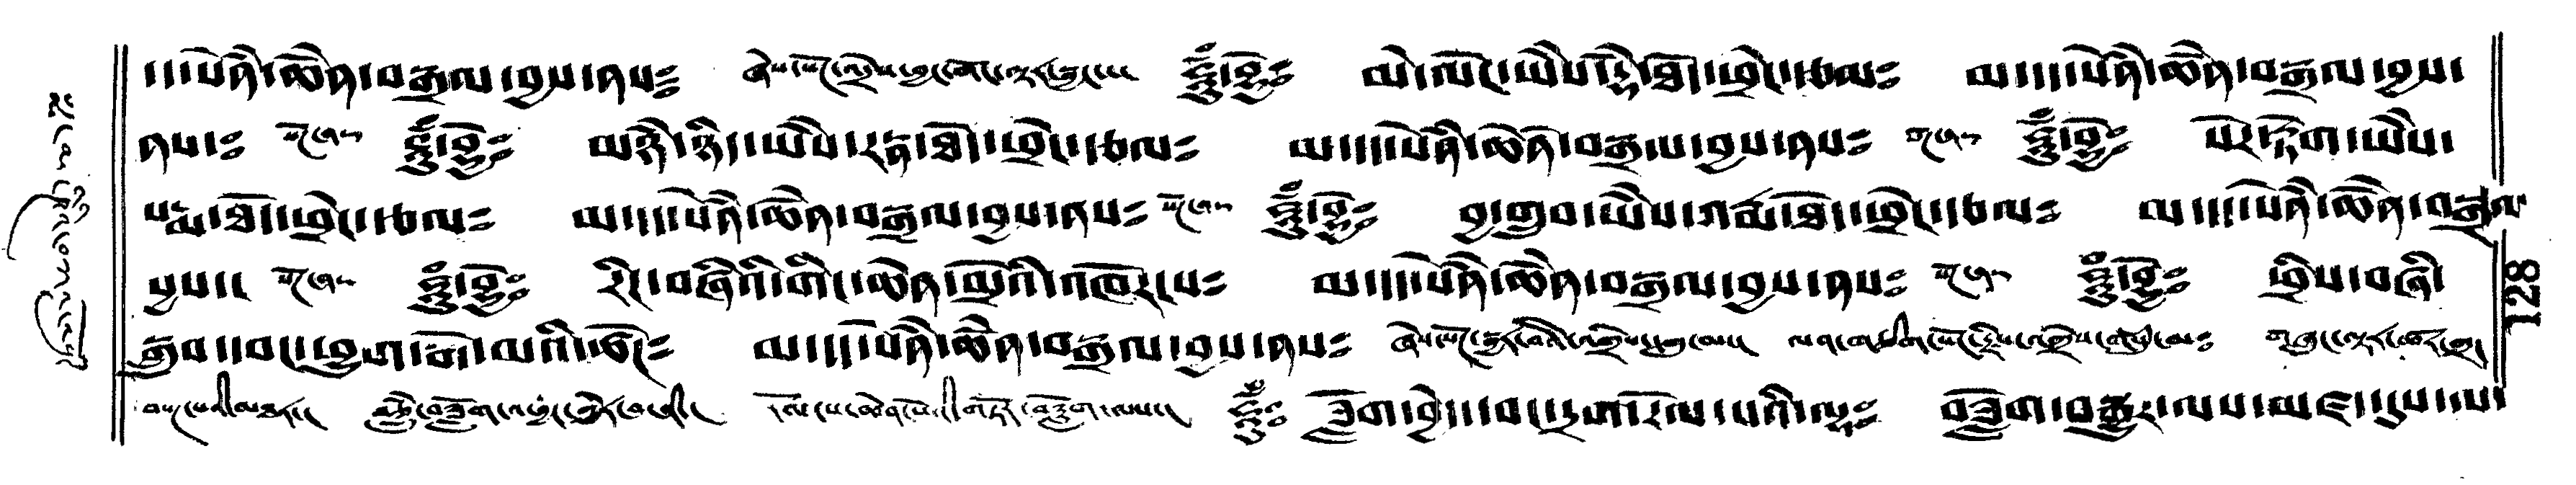མ་དད་སེམས་ཅན་ཆེན་པོ་བསྒྲལ་བྱས་ནས༔ ཞེས་སོགས་འགྲེས་བྱང་གོང་ལྟར་སྦྱར། ཧཱུྃ་བྷྱོ༔ མེ་ལོང་ཡེ་ཤེས་རྡོ་རྗེ་ཐོད་ཕྲེང་རྩལ༔ མ་དད་སེམས་ཅན་ཆེན་པོ་བསྒྲལ་བྱས་
ནས༔ སོགས་ནས། ཧཱུྃ་བྷྱོ༔ མཉམ་ཉིད་ཡེ་ཤེས་རཏྣ་ཐོད་ཕྲེང་རྩལ༔ མ་དད་སེམས་ཅན་ཆེན་པོ་བསྒྲལ་བྱས་ནས༔ སོགས་ནས། ཧྃའུ་བྷྱོ༔ སོར་རྟོག་ཡེ་ཤེས་
པདྨ་ཐོད་ཕྲེང་རྩལ༔ མ་དད་སེམས་ཅན་ཆེན་པོ་བསྒྲལ་བྱས་ནས༔ སོགས་ནས། ཧཱུྃ་བྷྱོ༔ བྱ་གྲུབ་ཡེ་ཤེས་ཀརྨ་ཐོད་ཕྲེང་རྩལ༔ མ་དད་སེམས་ཅན་ཆེན་པོ་བསྒྲལ་
བྱས་ནས༔ སོགས་ནས། ཧཱུྃ་བྷྱོ༔ རིགས་བཞིའི་གིང་ཆེན་མཁའ་འགྲོའི་འཁོར་དང་བཅས༔ མ་དད་སེམས་ཅན་ཆེན་པོ་བསྒྲལ་བྱས་ནས༔ སོགས་ནས། ཧཱུྃ་བྷྱོ༔ ཕྲིན་ལས་བཞི་
སྒྲུབ་དབང་ཕྱུག་སྒོ་མའི་ཚོགས༔ མ་དད་སེམས་ཅན་ཆེན་པོ་བསྒྲལ་བྱས་ནས༔ ཞེས་སོགས་སྦྱར་བའི་འགྲེས་དགུ་མ། ལན་གཅིག་སོང་རྗེས་འགྲོས་གསུམ་མ། །གཞུང་ལྟར་ཚར་གྲ་
ངས་བསགས་པའི་མཐར། །བཅུ་གཉིས་བཟློག་འཕྱང་གྱེར་བ་ནི། །རོལ་པ་ཆེན་པོའི་གཏོར་ཟློག་ལས།ཧཱུྃ༔ ཟློག་བྱེད་དབང་དྲག་རོལ་པའི་ལྷ༔ ཟློག་སྒྱུར་ལས་མཛད་དུས་ལ་